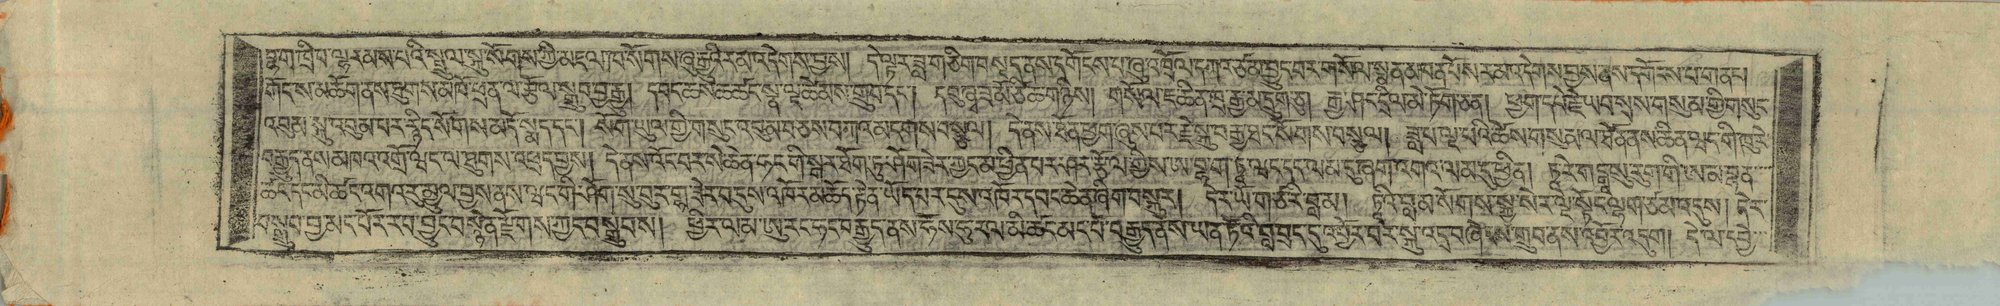བྷ་ག་ཁྲི་བ་ལྷ་རམས་པའི་སྤྲུལ་སྐུ་སོགས་ཀྱི་མཇལ་ཁ་སོགས་ཞུ་རྒྱུའི་རམ་འདེགས་བྱས། དེ་ལྟར་ཟླ་གཅིག་བསྡད་ནས་དགོངས་པ་ཞུ་འཁྲོལ་དཀའ་ཙམ་བྱུང་བར་གསོལ་སྨན་མཁན་པོས་རམ་འདེགས་བྱས་ནས་དགོངས་པ་གནང་།
གོང་ས་མཆོག་ནས་ཐུགས་མཁོ་ཕྲན་ལ་རྩོལ་སྒྲུབ་བྱ་རྒྱུ། དབང་ཆས་ཆ་ཚང་སྣ་ལྔ་ཚེམས་གྲུབ་དང་། དབུ་ཞྭ་ཟ་མོ་ཙི་ཆ་གཉིས། གསོལ་ཇ་ཆིན་ཁྲ་རྒྱ་མ་དྲུག་ཅུ། རྒྱ་ཤང་དྲིལ་མེ་ཏོག་ཅན། ཕྱག་དཔེ་རྗེ་ཡབ་སྲས་གསུམ་གྱི་གསུང་
འབུམ་སྐུ་འབུམ་པར་སྙིང་སོགས་མདོ་སྨད་དང་། སོག་ཡུལ་གྱི་གསུང་འབུམ་བཅས་བཀའ་མངགས་བསྩལ། དེ་ནས་ཐོན་ཕྱག་ཞུས་པར་རྗེ་སྐུ་བརྒྱ་ཐང་སོགས་བསྩལ། ཟླ་བ་ལྔ་པའི་ཚེས་གསུམ་ལ་ཐོན་ནས་ཆིན་ཝང་གི་ཁུ་རེ་
བརྒྱུད་ནས་མཁའ་འགྲོ་ཝང་ལ་ཐུགས་འཕྲད་བྱས། དེ་ནས་འོང་བར་སེ་ཆེན་ཧང་གི་སྒར་ཐོག་ཏུ་ཤོག་ཟེར་ཀྱང་མ་ཕྱིན་པར་ཤར་རྩོལ་གྱིས་ཨ་བྷ་ག་ཏཱ་ཝང་དང་ལམ་དུ་ཞག་འགའ་ལམ་དུ་ཕྱིན། ཏཱ་རེ་གངྒཱ་སུ་རུག་གི་ཨམ་བྷན་
ཚང་དང་མི་ཚང་འགའ་རུ་མྱུལ་བྱས་ནས་ཝང་གི་ཤོག་སུ་བུར་གྷ་ཟེར་བ་དུས་འཁོར་མཆོད་རྟེན་ཡོད་པར་དུས་འཁོར་དབང་ཆེན་ཞིག་བསྐུར། དེར་ཡོ་ག་ཙ་རི་བླ་མ། ཏཱའི་བླ་མ་སོགས་སྐྱ་སེར་ལྔ་སྟོང་ལྷག་ཙམ་འདུས། དེར་
བསྒྲུབ་བྱ་མང་པོར་རབ་བྱུང་བསྙེན་རྫོགས་ཀྱང་བསྒྲུབས། ཕྱིར་ལམ་ཨུ་རང་ཧང་བརྒྱུད་ནས་ཧོས་ཧུ་རས་མི་ཚང་མང་པོ་བརྒྱུད་ཡན་ཏོའི་བླ་བྲང་དུ་འབྱོར་བར་སྐུ་འདྲ་བཞེངས་གྲུབ་ནས་འབྱོར་འདུག །དེ་ལ་དབྱེ་